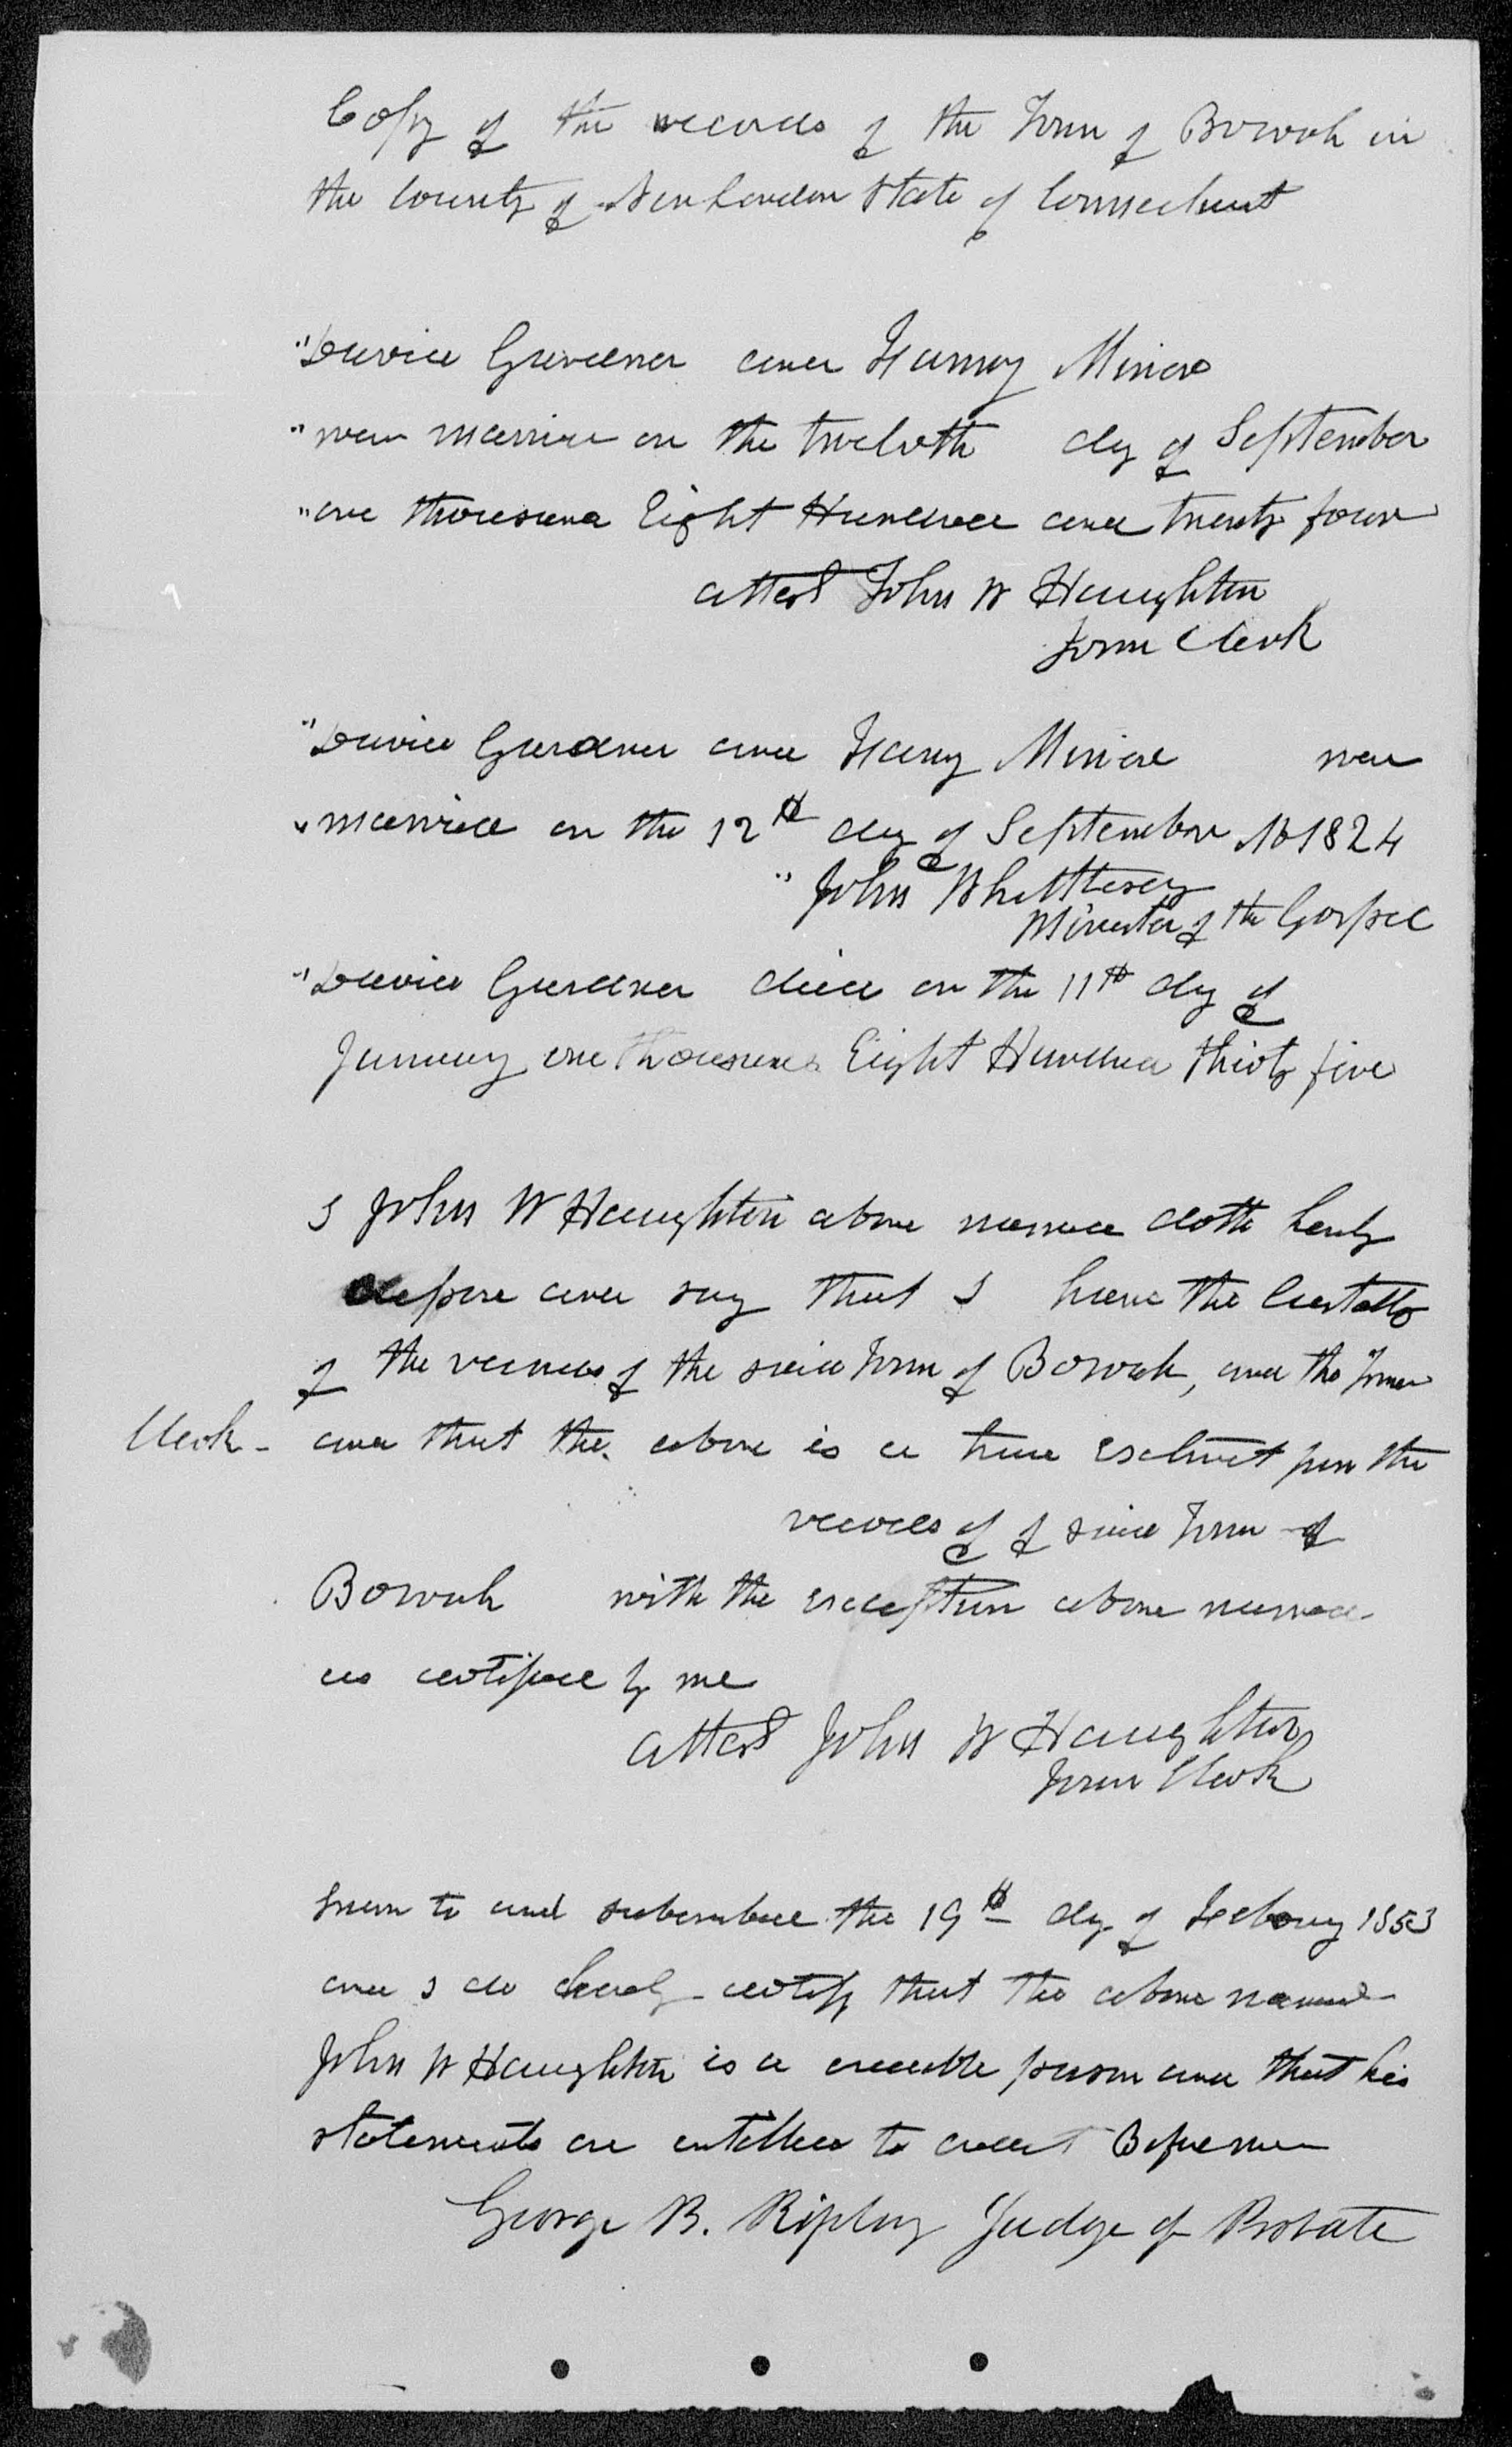Copy of the records of the Town of Bozrah in
the County of New London State of Connecticut

"David Gardner and Fanny Miner
"were married on the twelvth day of September
"one thousand Eight Hundred and twenty four attest John W Haughton
Town Clerk

"David Gardner and Fanny Miner were 
"married on the 12th day of September AD 1824
"John Whittelesey
Minister of the Gospel

"David Gardner died on the 11th day of January one thousand Eight Hundred thirty five

I John W Haughton above named doth hereby depose and say that I have the [illegible] of the venues of the said Town of Bozrah, and the Town Clerk, and that the above is a true extract from the records of of said Town of Bozrah with the exception above named as certified by me
Attest John W Haughton
Town Clerk

From to and submited the 19th day of February 1853 and I do hereby certify that the above named John W Haughton is a credible person and that his statements are entitled to credit. before me
George B. Ripley Judge of Probate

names: Fanny Miner, John W Haughton, John Whittlesey, John W Haughton, David Gardner, John W Haughton, David Gardner, David Gardner, John W Haughton, Fanny Miner, George B Ripley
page: 21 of 66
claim: widow's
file: W 1850, David Gardner, Conn.